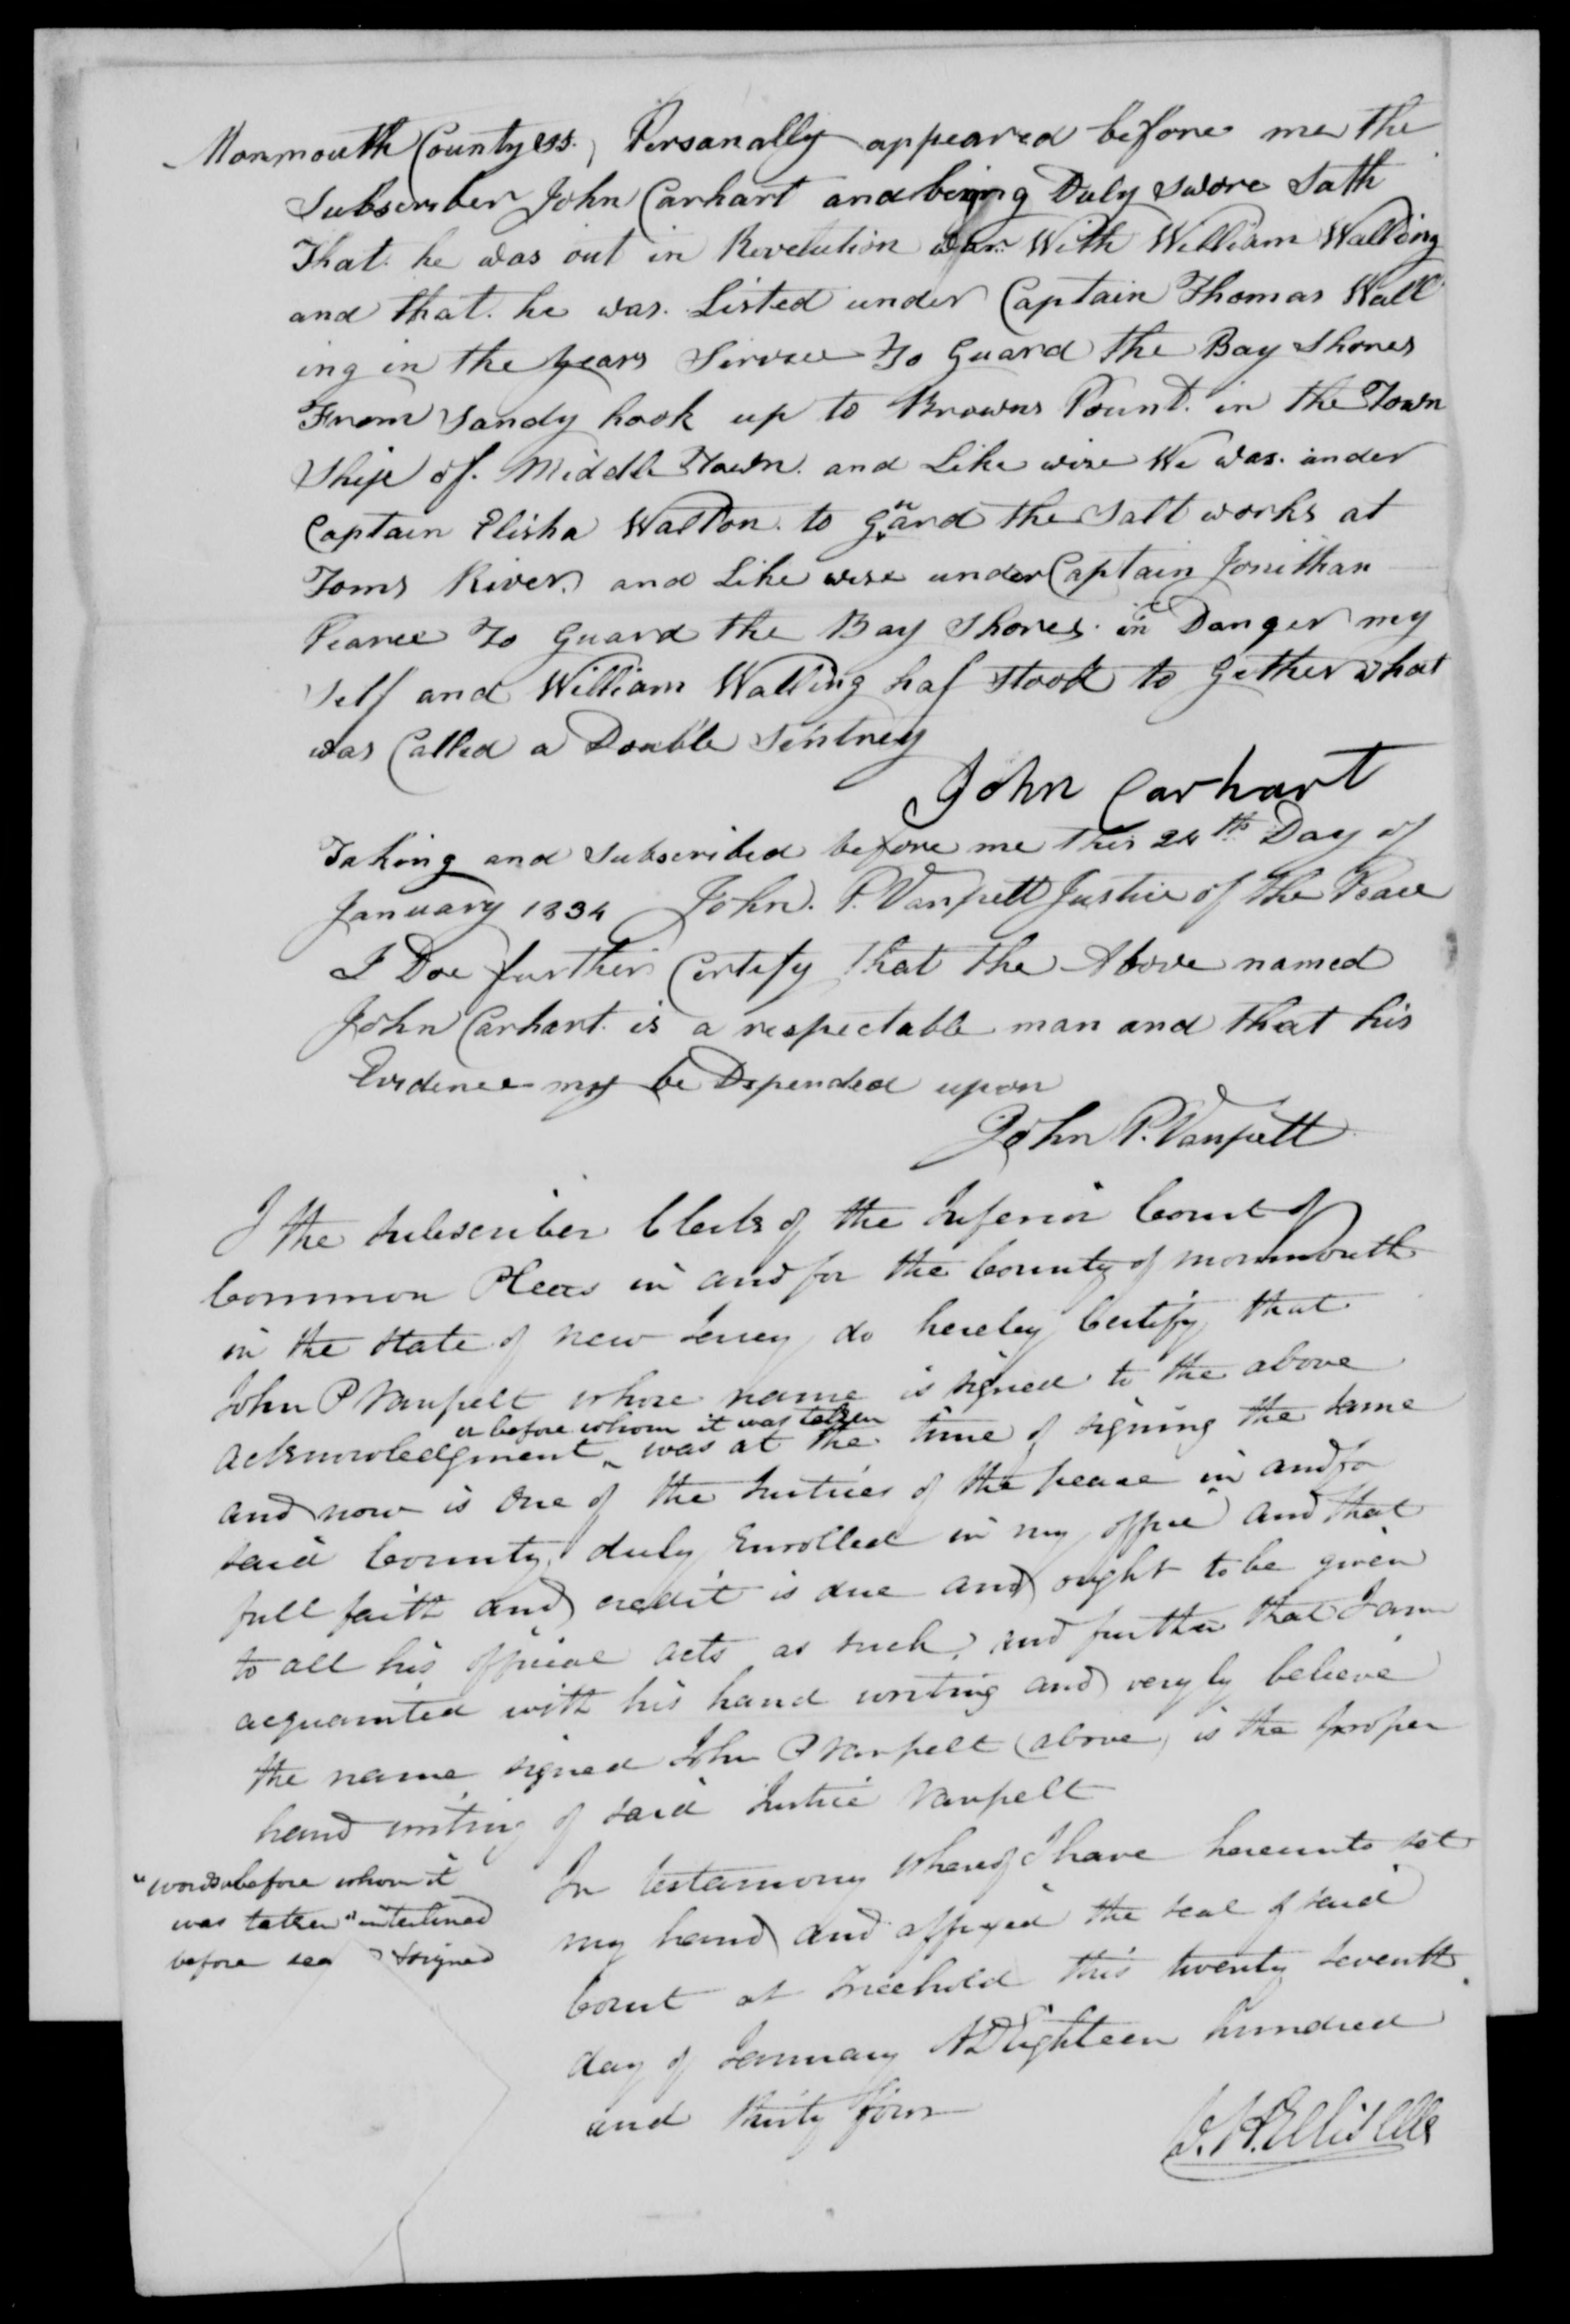Monmouth County, ss
Personally appeared before me the subscriber John Carhart and being duly sworn saith that he was out in Revolution war with William Walling and that he was listed under Captain Thomas Walling in the years served to guard the Bay Shores from Sandy Hook up to Browns Point in the Township of Middletown and likewise he was under Captain Elisha Walton to guard the Salt works at Toms River and likewise under Captain Jonathan Pearce to guard the Bay Shores in danger myself and William Walling had stood together what was called a Double Sentry. (signature) John Carhart

Taking and subscribed before me this 24th day of January 1834 John P. Vanpelt, Justice of the Peace. I do further certify that the above named John Carhart is a respectable man and that his evidence may be depended upon. (signature) John P Vanpelt

I the subscriber Clerk of the Inferior Court of Common Pleas in and for the County of Monmouth in the state of New Jersey do hereby certify that John P Vanpelt whose name is signed to the above acknowledgement & before whom it was taken was at the time of signing the tome and now is one of the Justices of the Peace in and for said County duly enrolled in my office and that full faith and credit is due and ought to be given to all his official acts as such and further that I am acquainted with his hand writing and verily believe the name signed John P Vanpelt (above) is the proper handwriting of the said Justice Vanpelt.

[side comment] swore before whom it was taken intestament before (illegible)

In testament whereof I have herewith set my hand and affixed the seal of said Couty of Freehold this twenty seventh day of January Eighteen hundred and thirty four (signature) D H Ellis, Clerk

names: Thomas Walling, Elisha Walton, John P Vanpelt, John P Vanpelt, John Carhart, D H Ellis, William Walling, William Walling, Vanpelt, John P Vanpelt, John Carhart, Jonithan Pearce, John P Vanpelt, John Carhart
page: 61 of 66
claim: widow's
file: W. 19588, William Walling, New Jersey